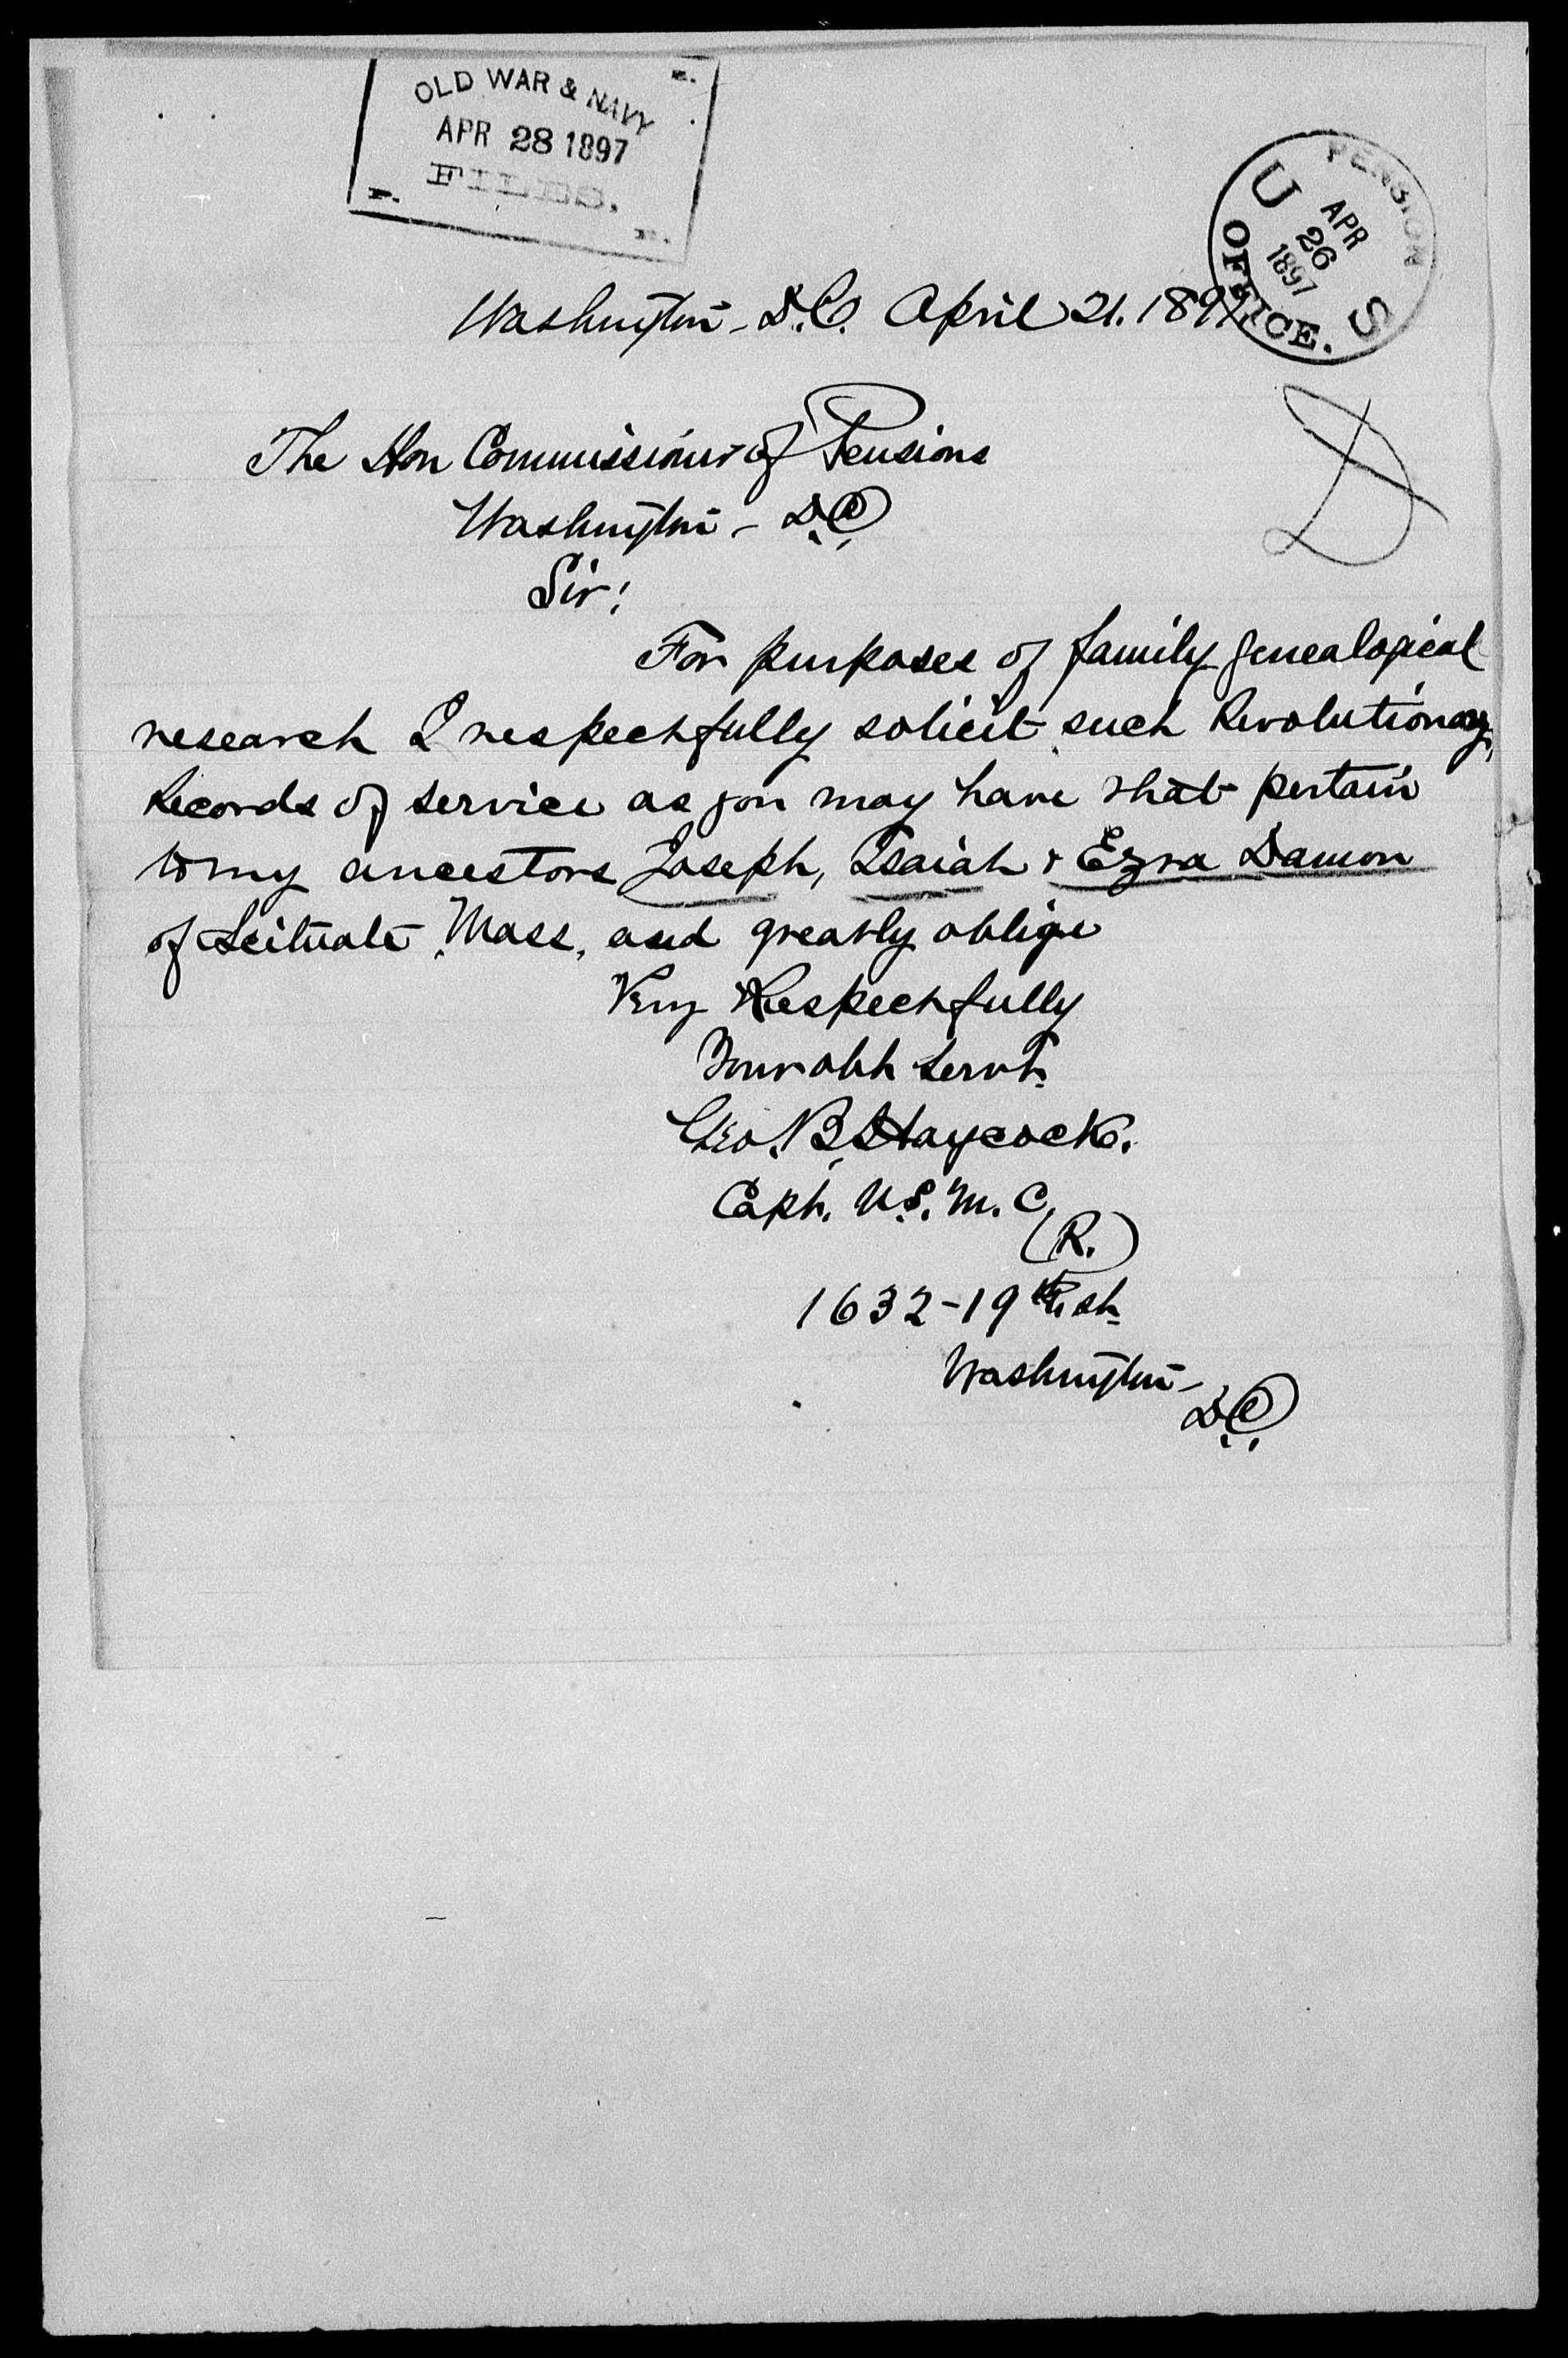[Stamps]
Old War & Navy
Apr 28 1897
Files

U.S. Pension Office.
Apr 26 1897
--------------------

Washington D.C. April 21. 1897

The Hon Commissioner of Pensions
Washington D.C.
Sir:
For the purposes of family genealogical research I respectfully solicit such Revolutionary Records of Service as you may have that pertain to my ancestors Joseph, Isaiah, & Ezra Damon of Scituate Mass and greatly oblige
Very Respectfully 
Your ob'd Serv't
Geo. B. Haycock.
Capt. U.S.M.C. (R.)
1632 - 19th St.
Washington D.C.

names: Isaiah Damon, Joseph Damon, Geo B Haycock, Ezra Damon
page: 28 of 28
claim: survivor's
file: S. 17376, Joseph Damon, Continental Mass.